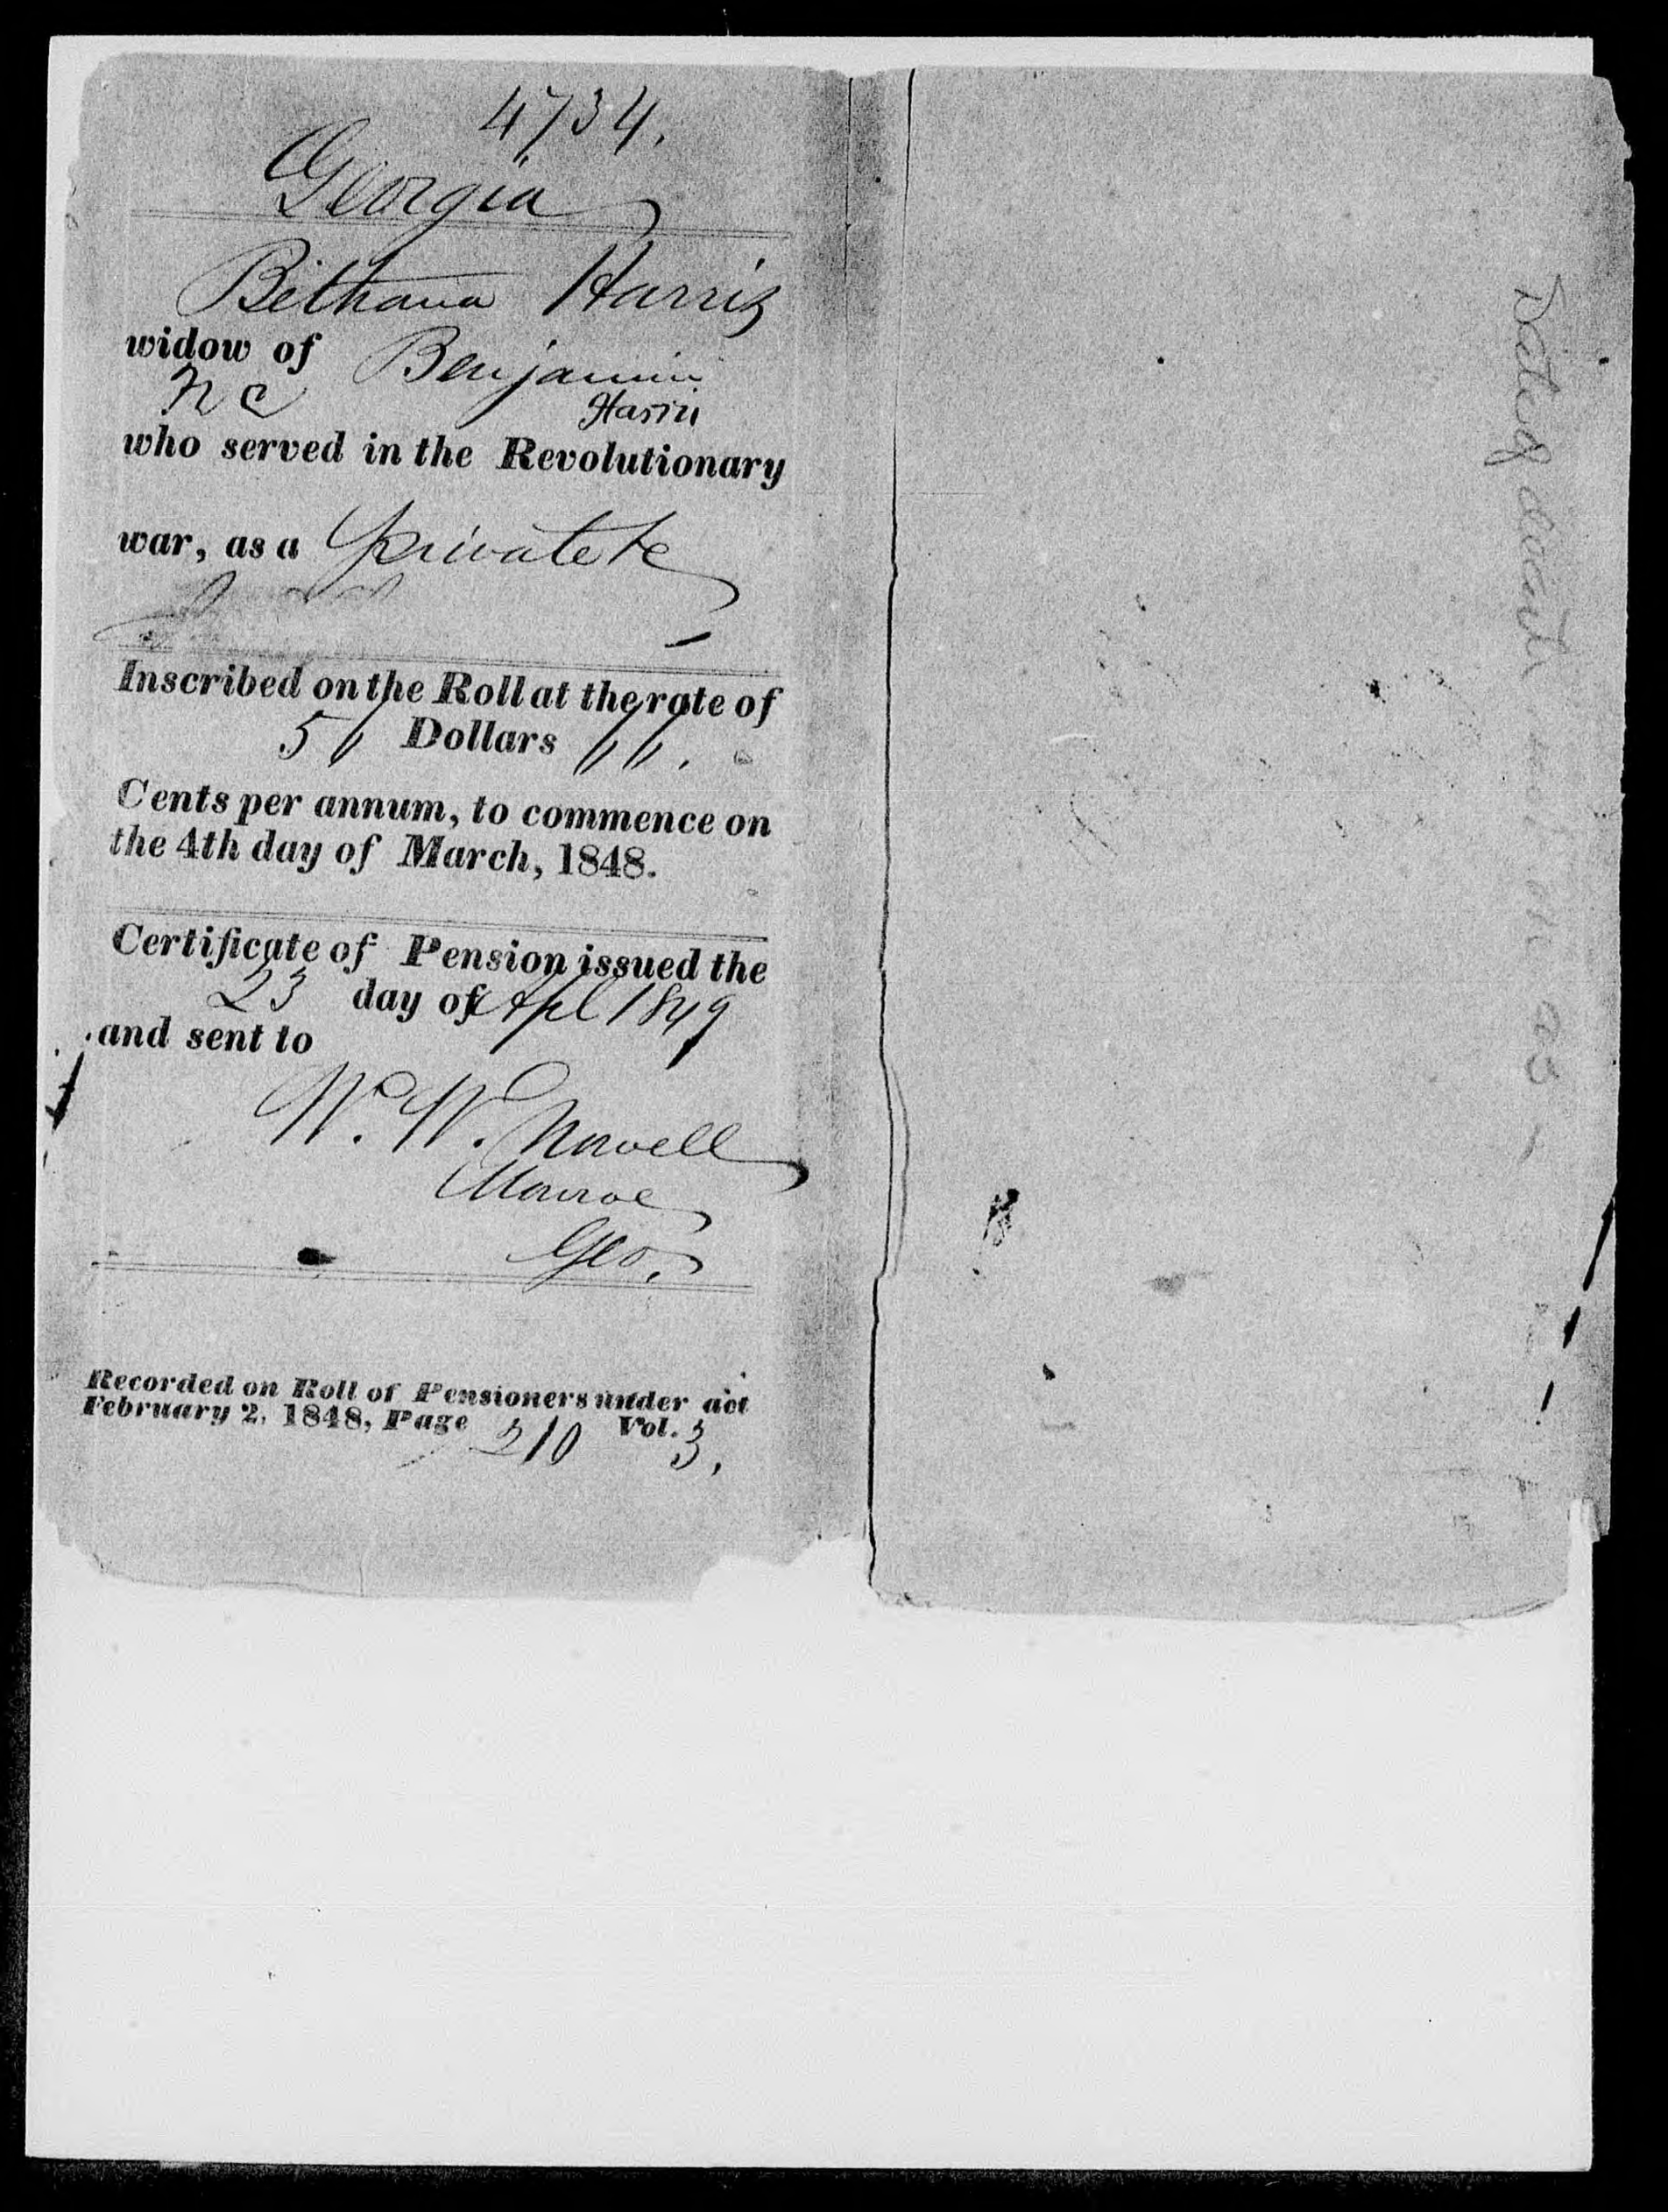4734
Georgia
Bethana Harris 
widow of Benjamin Harris NC who served in the Revolutionary war , as a private

Inscribed on the Roll at the rate of 56 Dollars 66 Cents per annum, to commence on the 4th day of March, 1848. 

Certificate of Pension issued the 23 day of Apl 1849 and sent to W W. Nowell 
Monroe Geo. 

Recorded on Roll of Pensioners under act February 2, 1848, Page 210 Vol. 3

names: Benjamin Harris, W W Nowell, Bethana Harris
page: 13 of 62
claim: survivor's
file: S. 38816, Benjamin Harris, Mass.